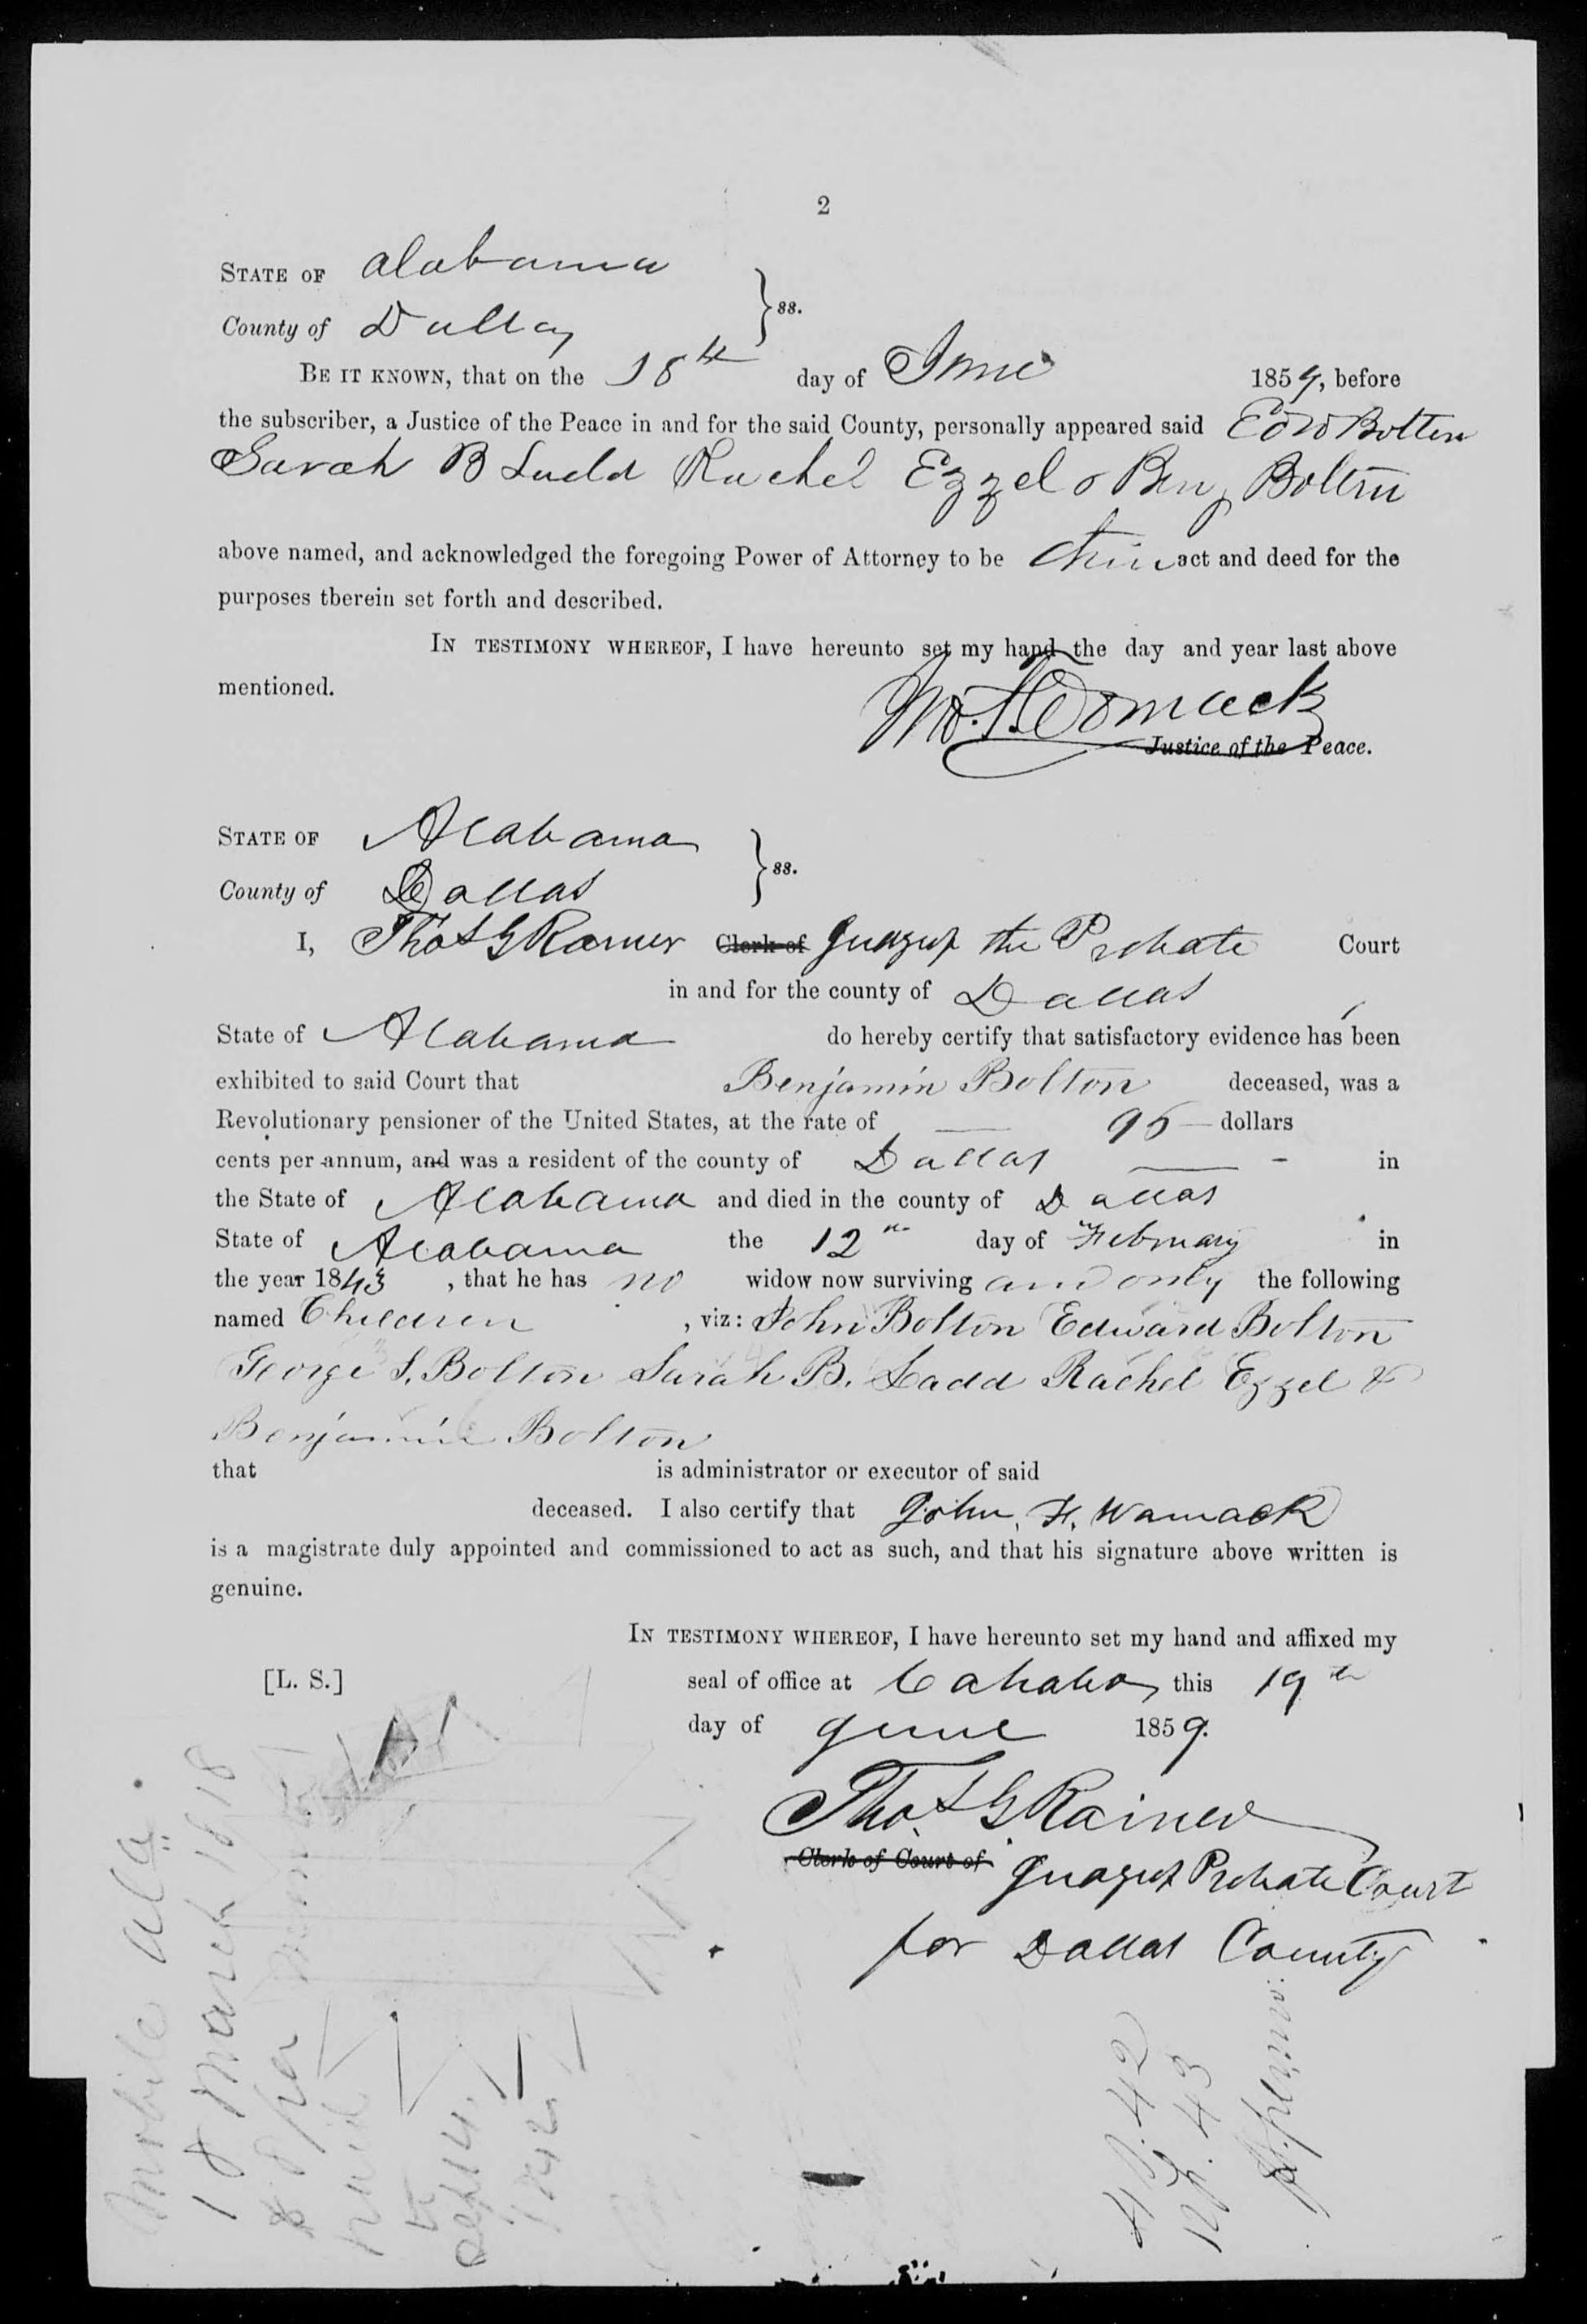2

State of Alabama
County of Dallas

Be it known, that on the 18th day of June
1859, before the subscriber, a Justice of the Peace in and for the said County, personally appeared said Ed Bolton Sarah B Ludd Rachel Ezzel of Benj Bolton above named, and acknowledged the foregoing Power of Attorney to be his act and deed for the
purposes therein set forth and described.

In testimony whereof, I have hereunto set my hand the day and year last above mentioned.
Mo. T Womack
Justice of the Peace.

State of Alabama
County of Dallas

I, Thos G Rainer [Thomas G. Rainer] Judge of the Probate Court in and for the county of Dallas, State of Alabama do hereby certify that satisfactory evidence has been exhibited to said Court that Benjamin Bolton deceased, was a Revolutionary pensioner of the United States, at the rate of 95 dollars cents per annum, and was a resident of the county of Dallas in the State of Alabama
and died in the county of Dallas in the State of Alabama the 12th day of February in the year 1843, that he has no widow now surviving and only the following named children, viz: John Bolton Edward Bolton George S. Bolton Sarah B. Ladd Rachel Ezzel V Benjamin Bolton
that is administrator or executor of said
deceased.  I also certify that John F. Wamack is a magistrate duly appointed and commissioned to act as such, and that his signature above written is genuine.
IN TESTIMONY WHEREOF, I have hereunto set my hand and affixed my seal of office at Cahaba this 19th day of June 1859.

Thos G Rainer [Thomas G. Rainer]

Judge of Probate Court for Dallas County.
[ L. S. ]

Mobile Ala
18 March 1818
$8 per month
paid
to reply
1842

[Stamp impression.]
4S.42
12p 43
$8permo:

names: Edward Bolton, Rachel Ezzel, John Bolton, Thos G Rainer, John F Wamack, Rachel Ezzel, Benjamin Bolton, Jno F Womack, George S Bolton, Sarah B Ladd, Benj Bolton, Edw Bolton, Benjamin Bolton, Thos G Rainer, Sarah B Ladd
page: 18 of 29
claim: survivor's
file: S. 37,795, Benjamin Bolton, N.C.